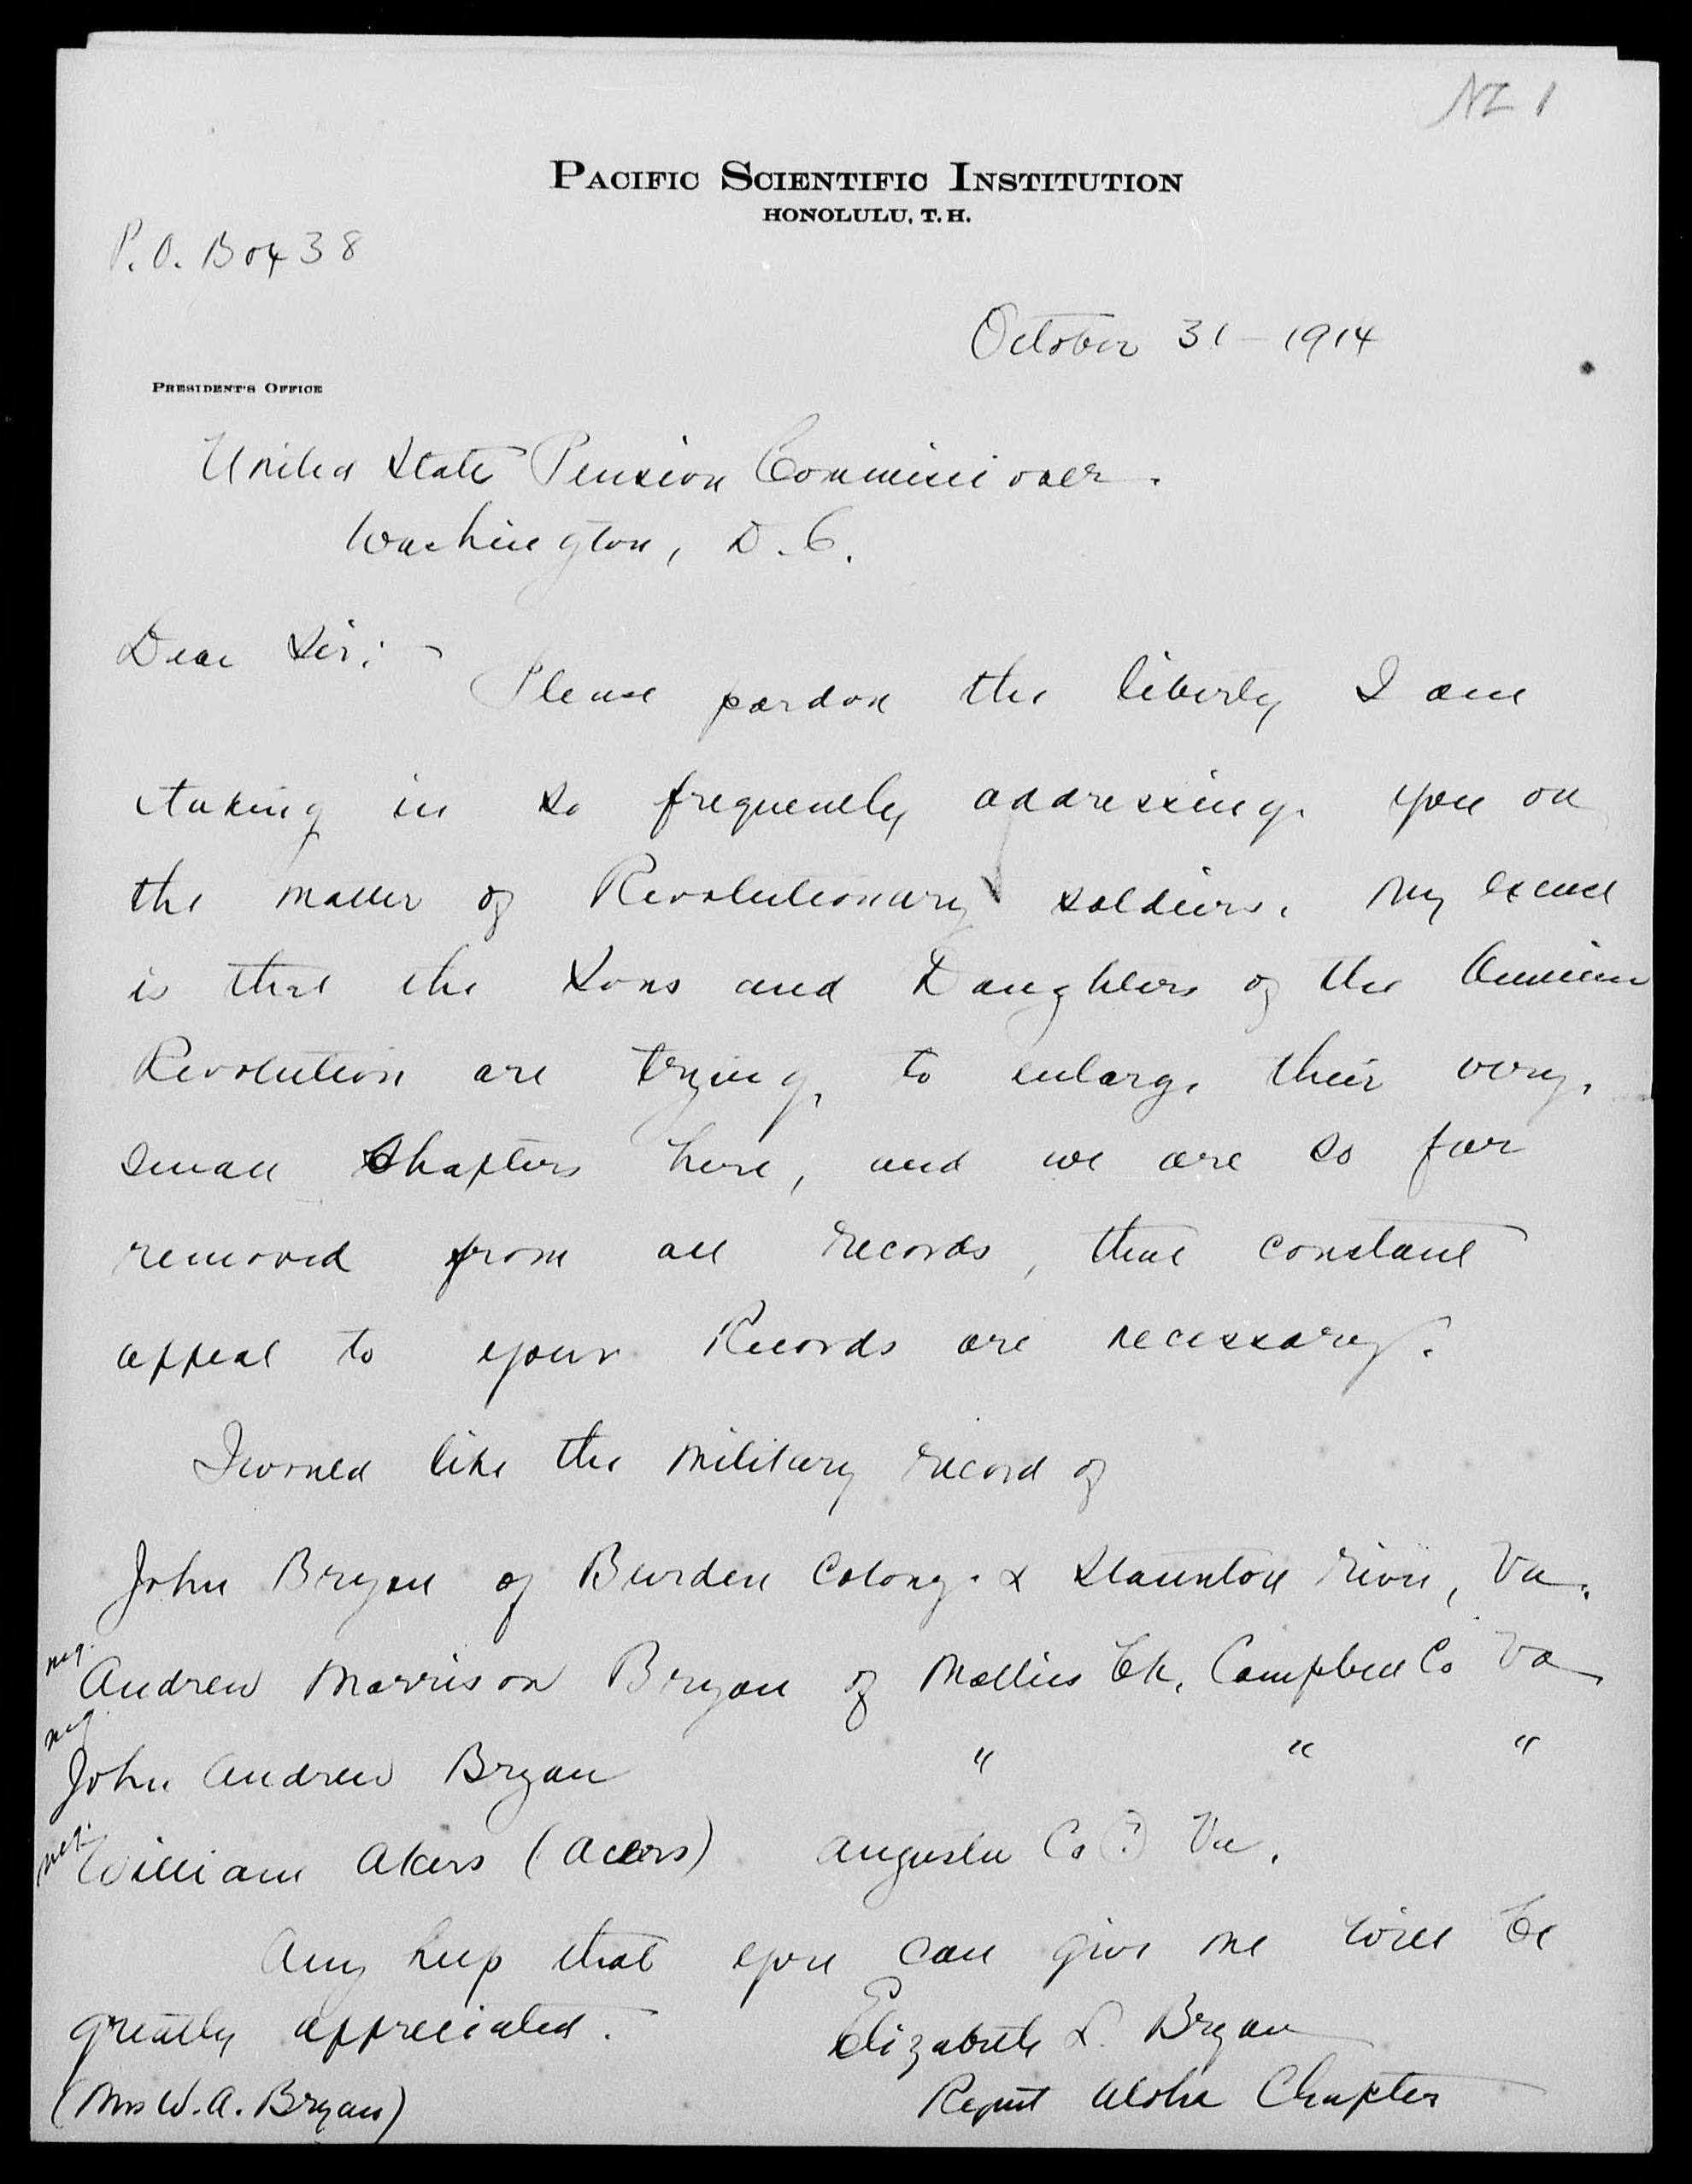M /
PACIFIC SCIENTIFIC INSTITUTION
HONOLULU, T.H.
P.O. Box 38
October 31 - 1914

President’s Office
United States Pension Commissioner
Washington, D.C.

Dear Sir;-
Please pardon the liberty I am taking in so frequently addressing you on the matter of Revolutionary soldiers. My cause is that the Sons and Daughters of the American Revolution are trying to enlarge their very small chapter here, and we are so far removed from all records, that constant appeals to your records are necessary.

I would like the military record of
John Bryan of Borden Colony & Staunton river, Va.
Mr. Andrew Morrison Bryan of Mollie Co., Campbell Co. Va.
Mr. John Andrew Bryan  “   “
Mr. William Akers (Acers) Augusta Co. Va.

Any help that you can give me will be greatly appreciated.
Elizabeth L. Bryan
(Mrs. W. A. Bryan)      Regent Aloha Chapter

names: Elizabeth L Bryan, Andrew Morrison Bryan, John Andrew Bryan, John Bryan, W A Bryan, William Akers Acers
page: 31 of 31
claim: widow's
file: W. 3759, John Bryan, Va.